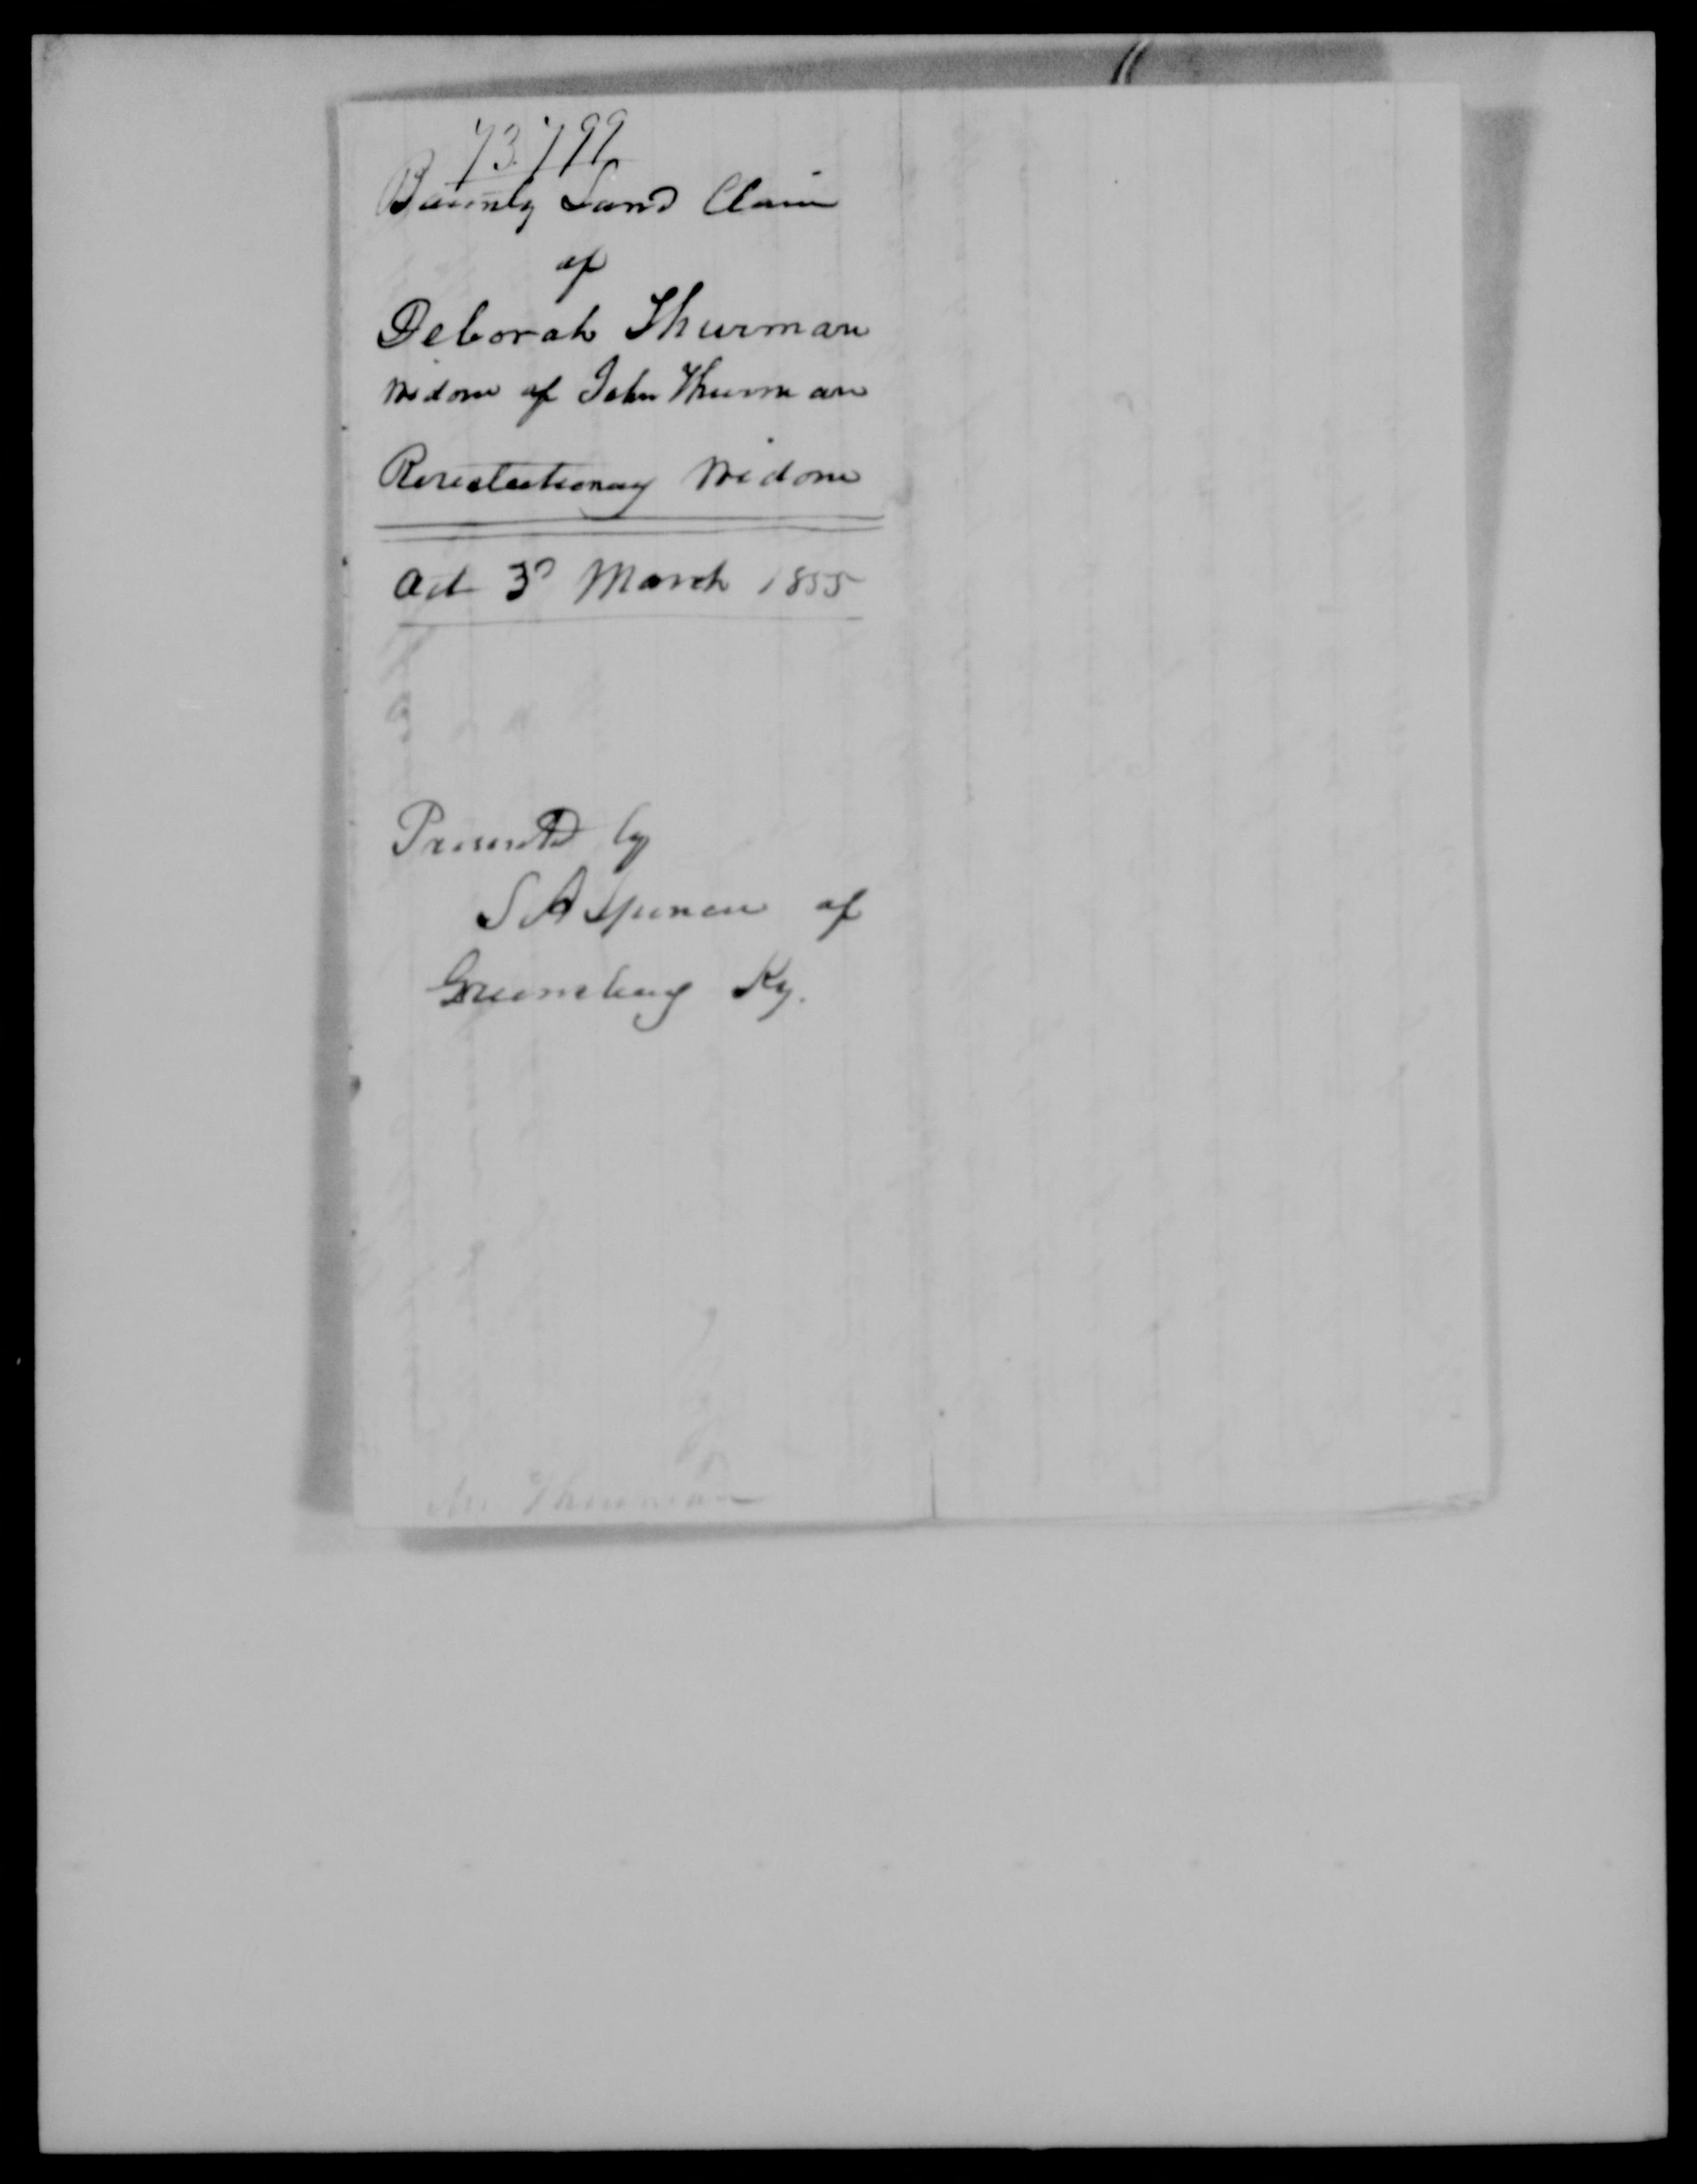73799
Bounty Land Claim
of 
Deborah Thurman
widow of John Thruman
Revolutionary widow
Act 3d March 1855
Presented by
S A Spencer of
Greensburg Ky.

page: 18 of 53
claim: widow's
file: W. 6,267, for John Thurman, Georgia